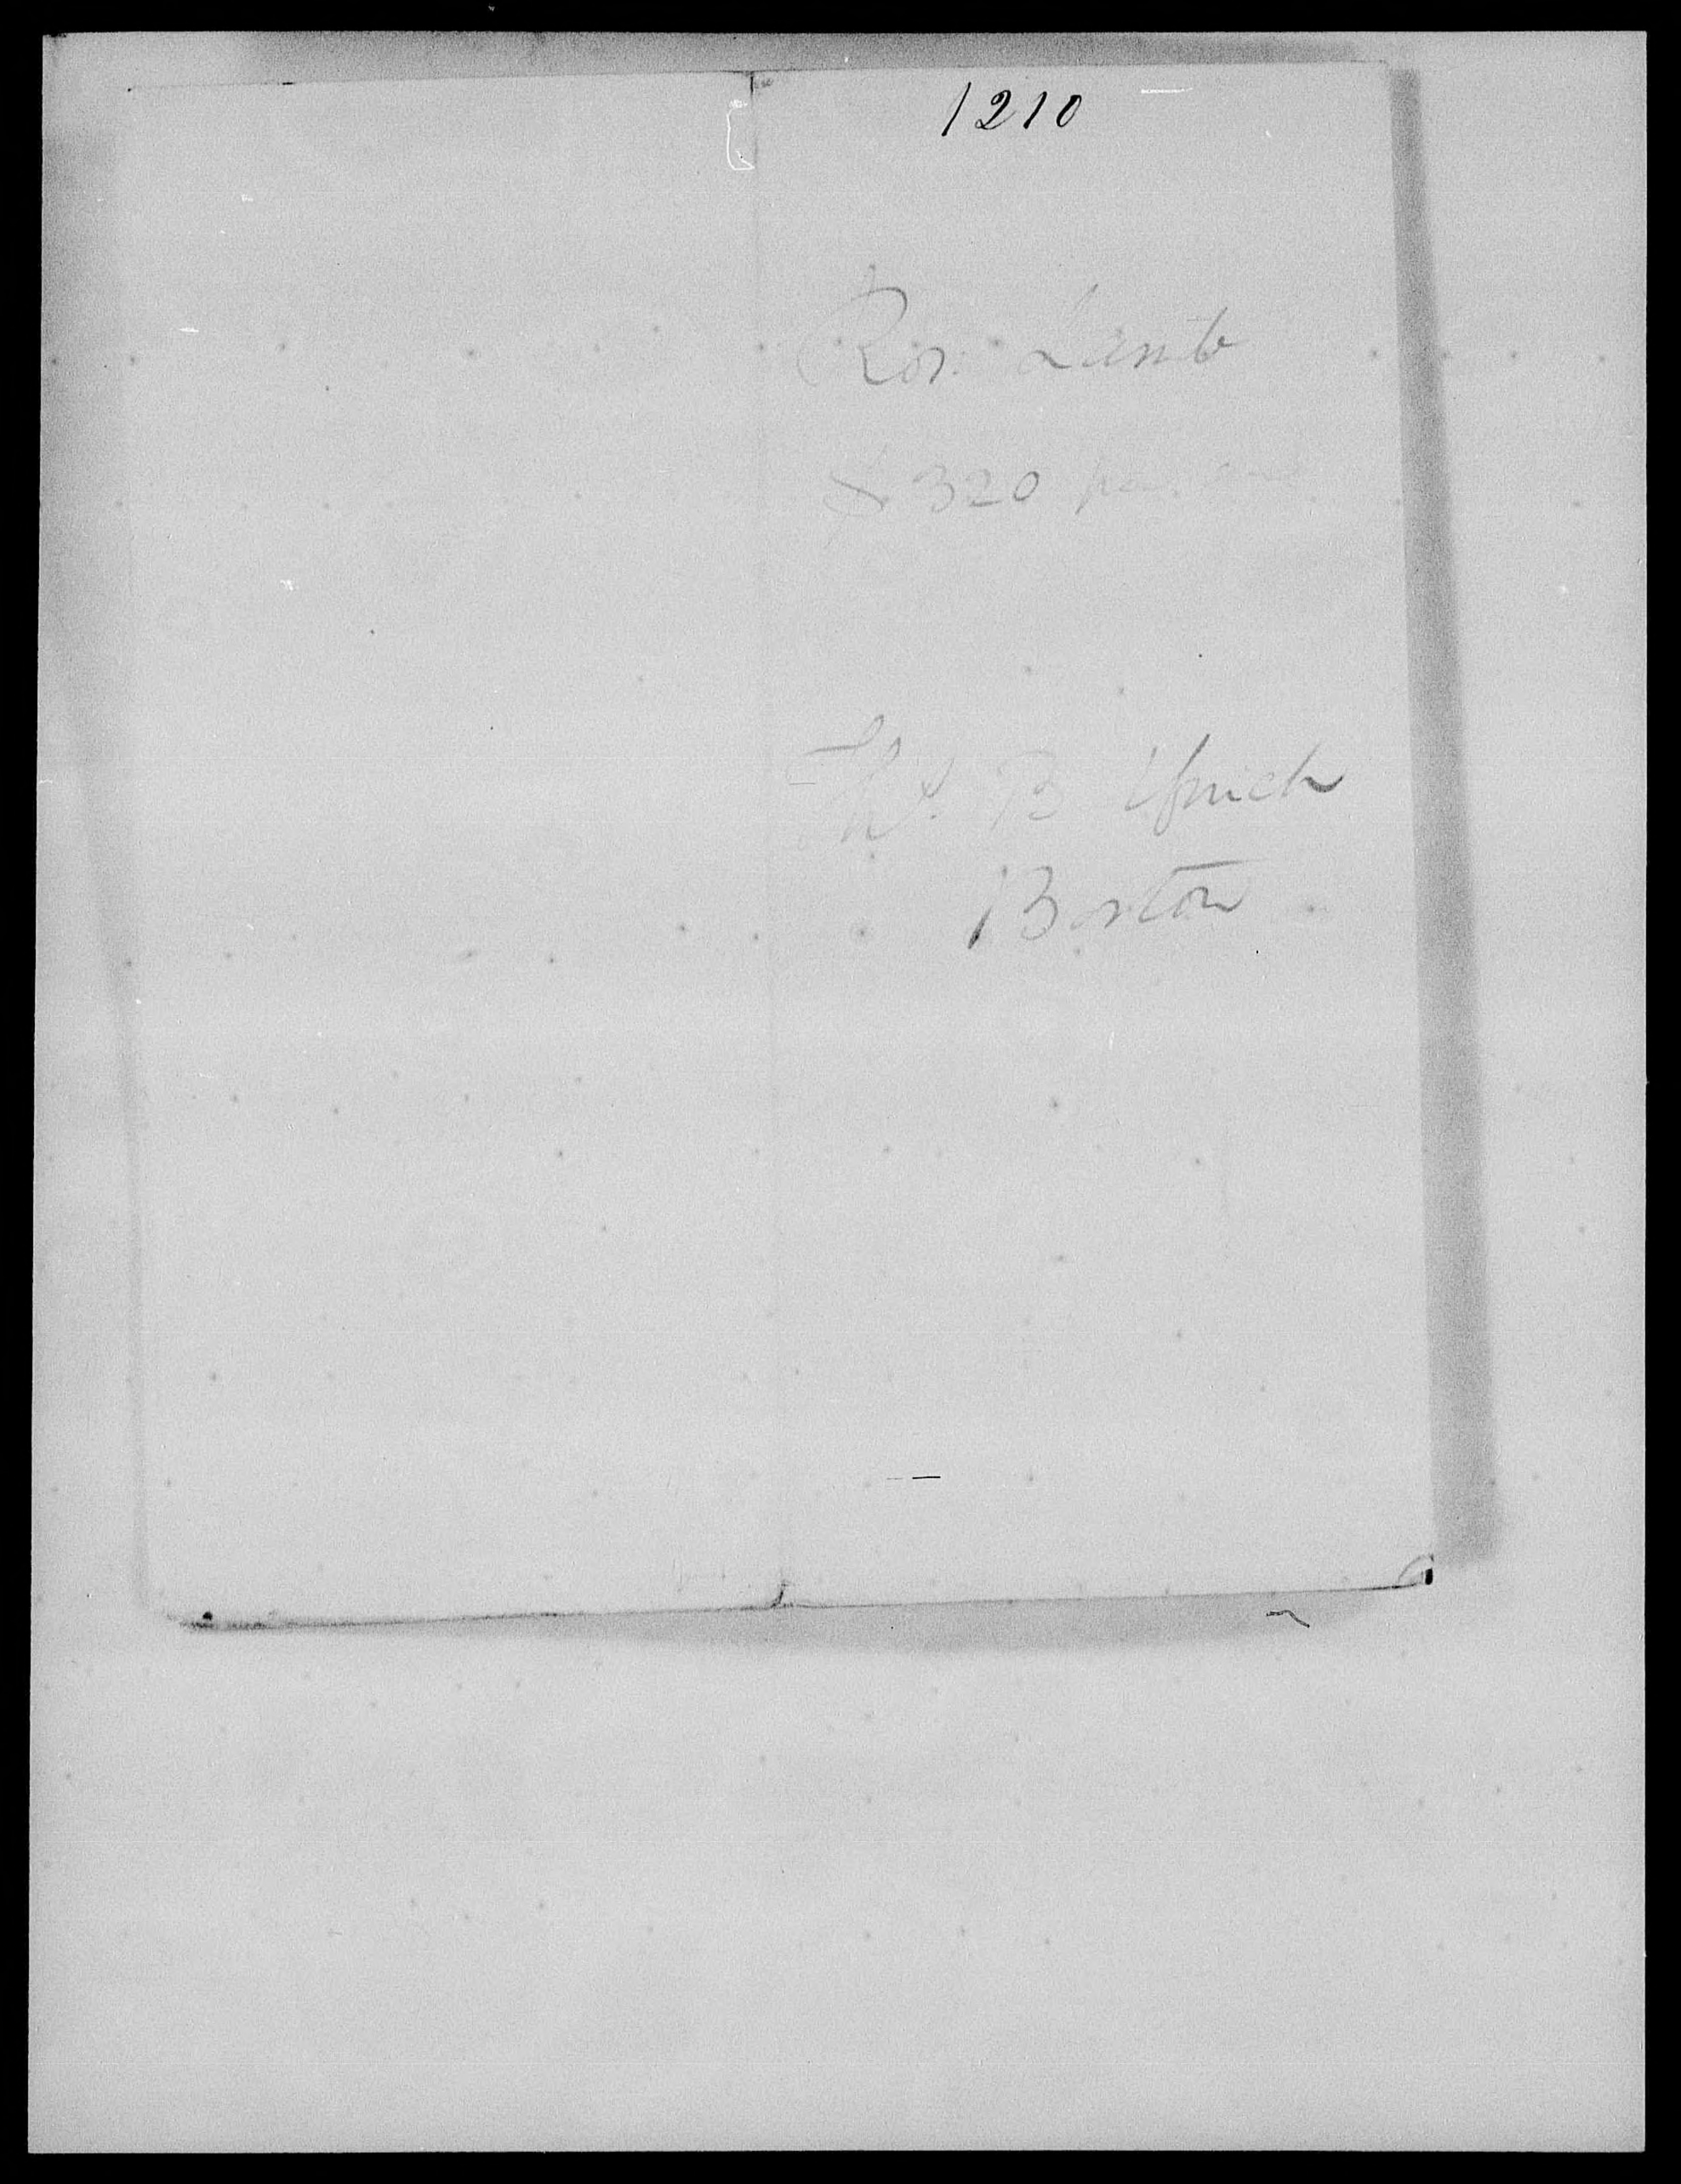1210
Ros. Lamb
$320 per annum

Ths. B. Bulfinch
Boston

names: Ths Bulfinch; Rosanna Lamb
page: 19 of 23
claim: widow's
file: W. 15010, for Thomas Lamb, Massachusetts